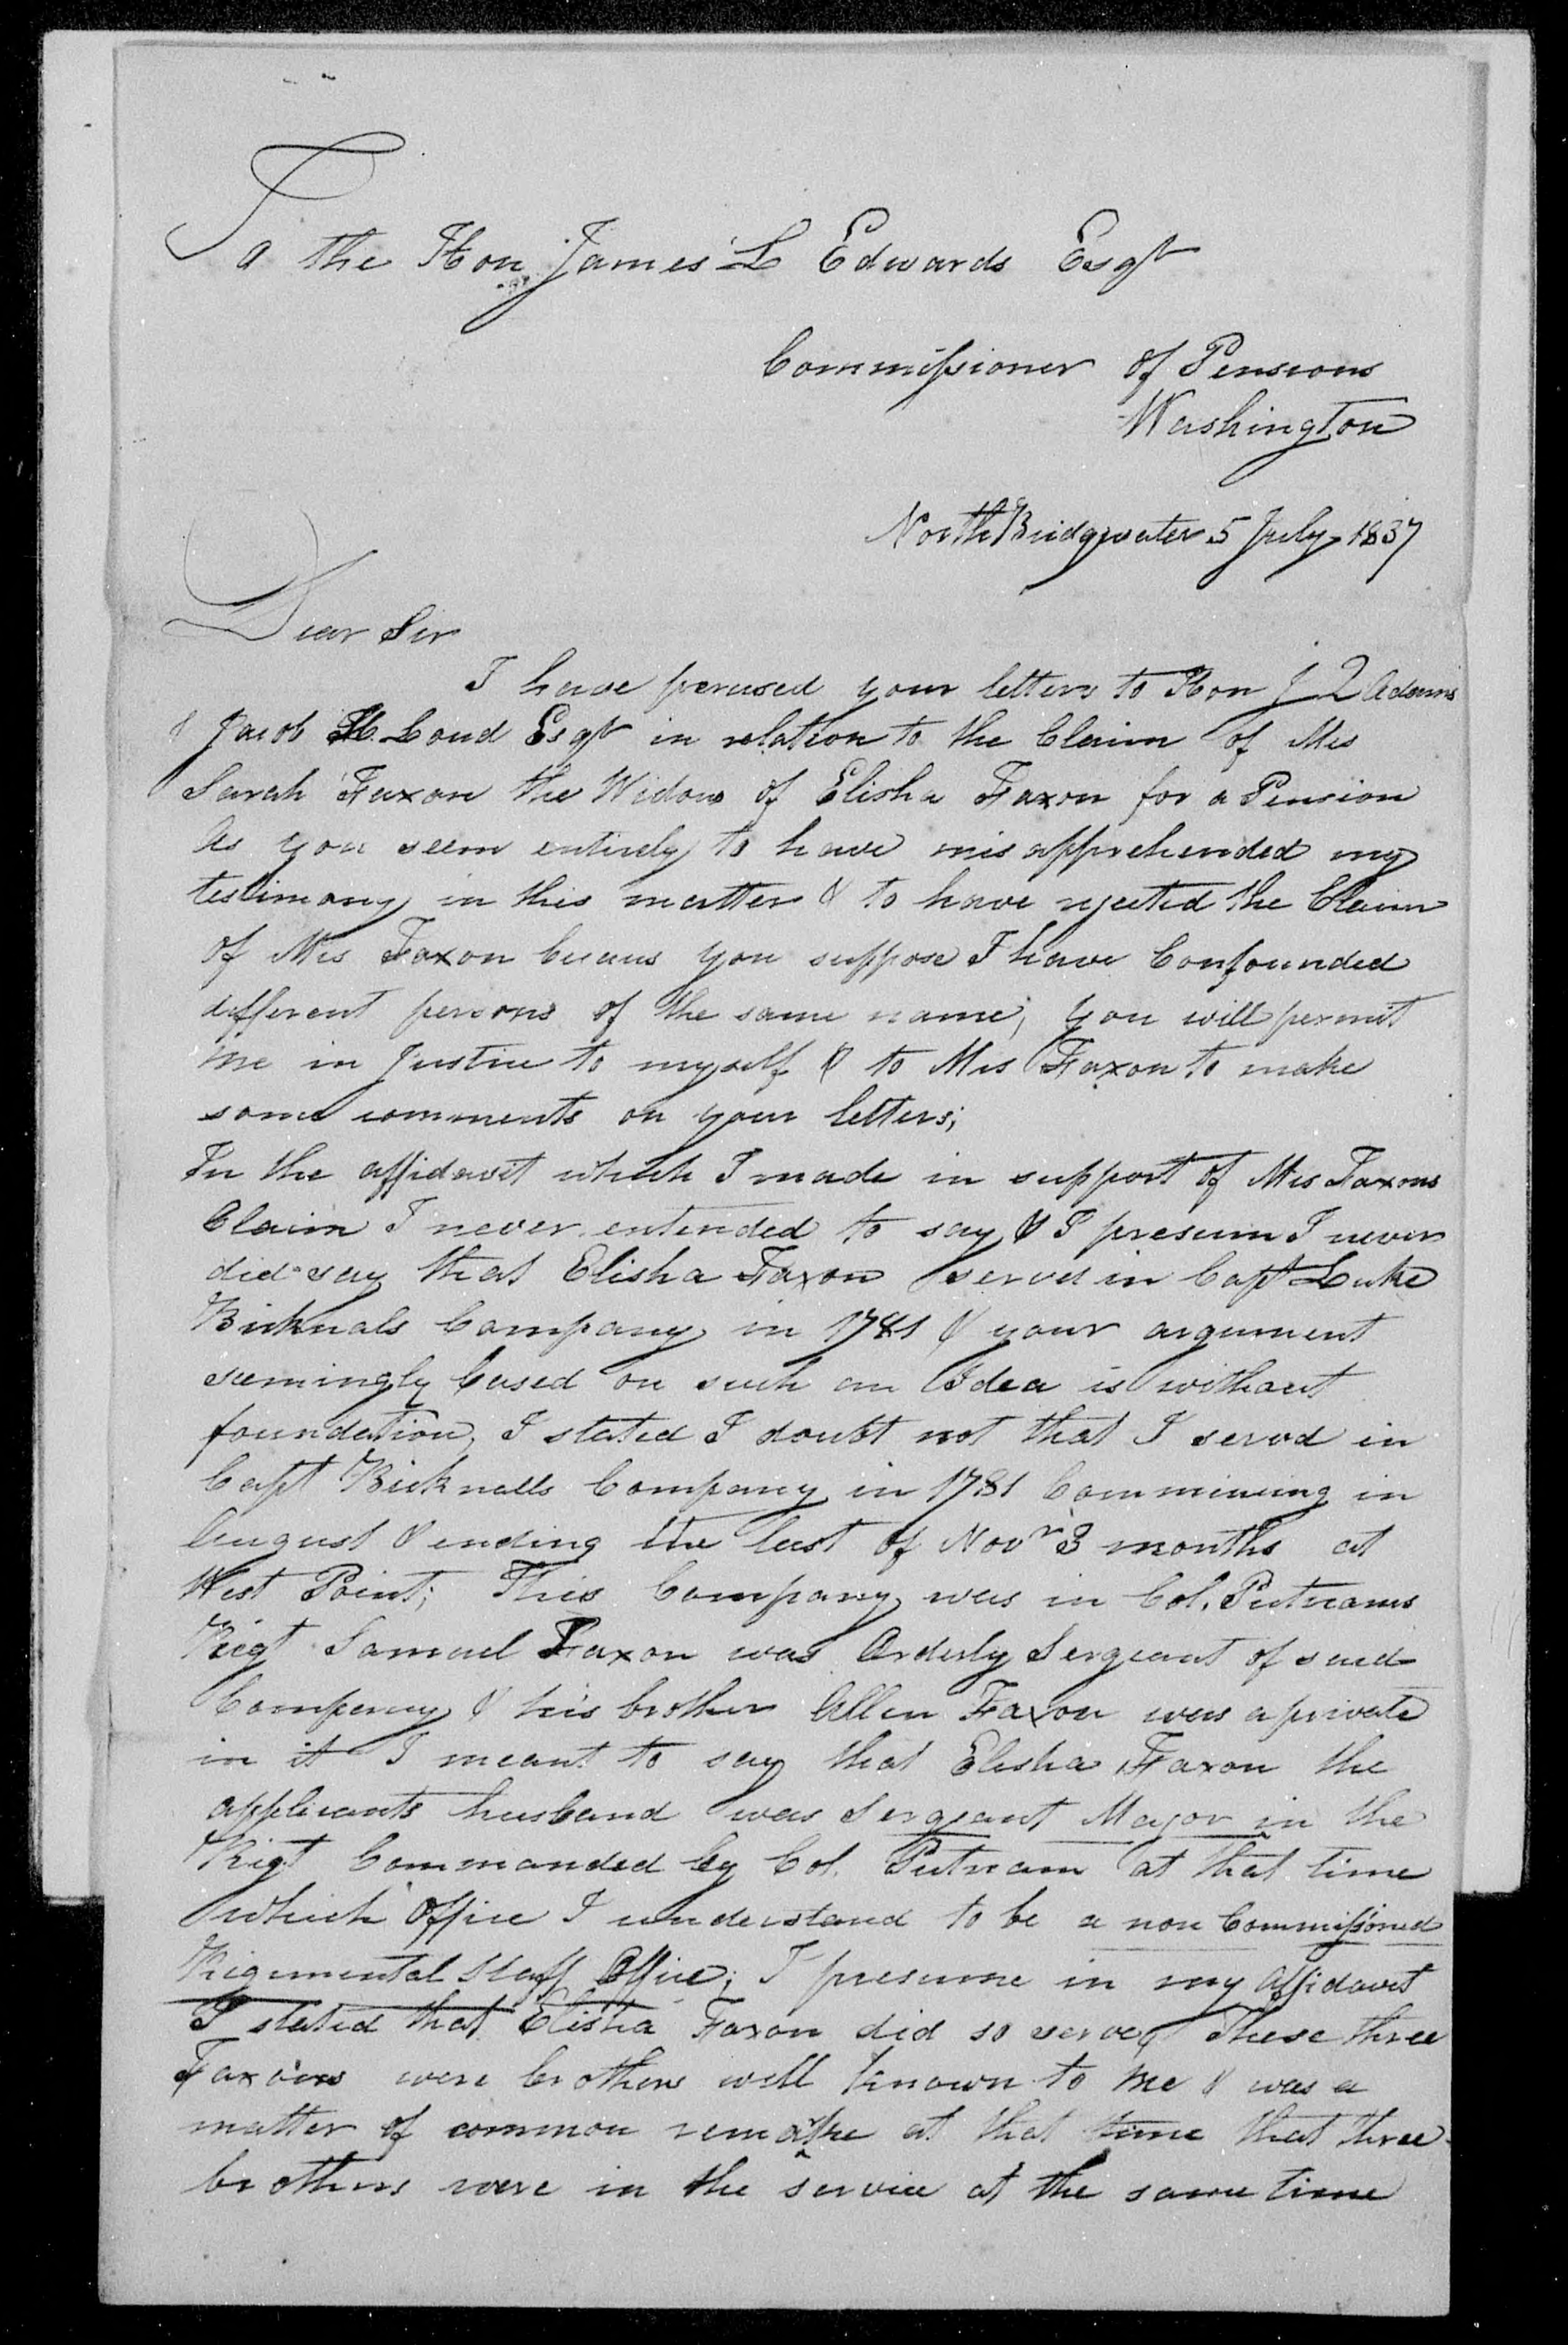To the Hon James L Edwards Esq
Commissioner of Pensions
Washington
North Bridgewater 5 July 1837
Dear Sir,
I have perused your letter to Hon J L Adams Jacob H. Loud Esq. in relation to the claim of Mrs. Sarah Faxon for a pension As you seem entirely to have misapprehended my testimony in the matter and to have rejected the claim of Mrs. Faxon because you suppose I have confounded different versions of the same name; you will permit me in Justice to myself and to Mrs. Faxon to make said comments on your letters;
In the affidavit which I made in support of Mrs. Faxons claim I never intended to say (illegible) I never did say that Elisha Faxon served in Capt Birknalls Company in 1781 and your argument seemingly based on such (illegible) is without foundation. I stated I doubt not that I served in Capt. Birknalls Company in 1781 Commissioning in August and serving the (illegible) of Nov 3 months at West Point. This Company was in Col. (illegible) Regiment. Samuel Faxon was (illegible) Sergeant of (illegible) Company and his brother Allen Faxon was a private in it. I meant to say that Elisha Faxon the applicants husband was Sergeant Major in the Regiment commanded by Col. Peterson at that time which office I was (illegible) to be a non commissioned regimental staff officer. I presume in my affidavit I stated that Elisha Faxon did so serve these three Faxons were brothers well known to me and was a matter of common (illegible) at the time that three brothers were in the service at the same time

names: James L Edwards, Faxon, Faxon, Samuel Faxon, Elisha Faxon, Elisha Faxon, Elisha Faxon, Faxon, Putnam, Jacob H Loud, Elisha Faxon, Allen Faxon, J Q Adams, Sarah Faxon, Faxon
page: 25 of 47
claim: widow's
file: W. 14703, Elisha Faxon, Mass